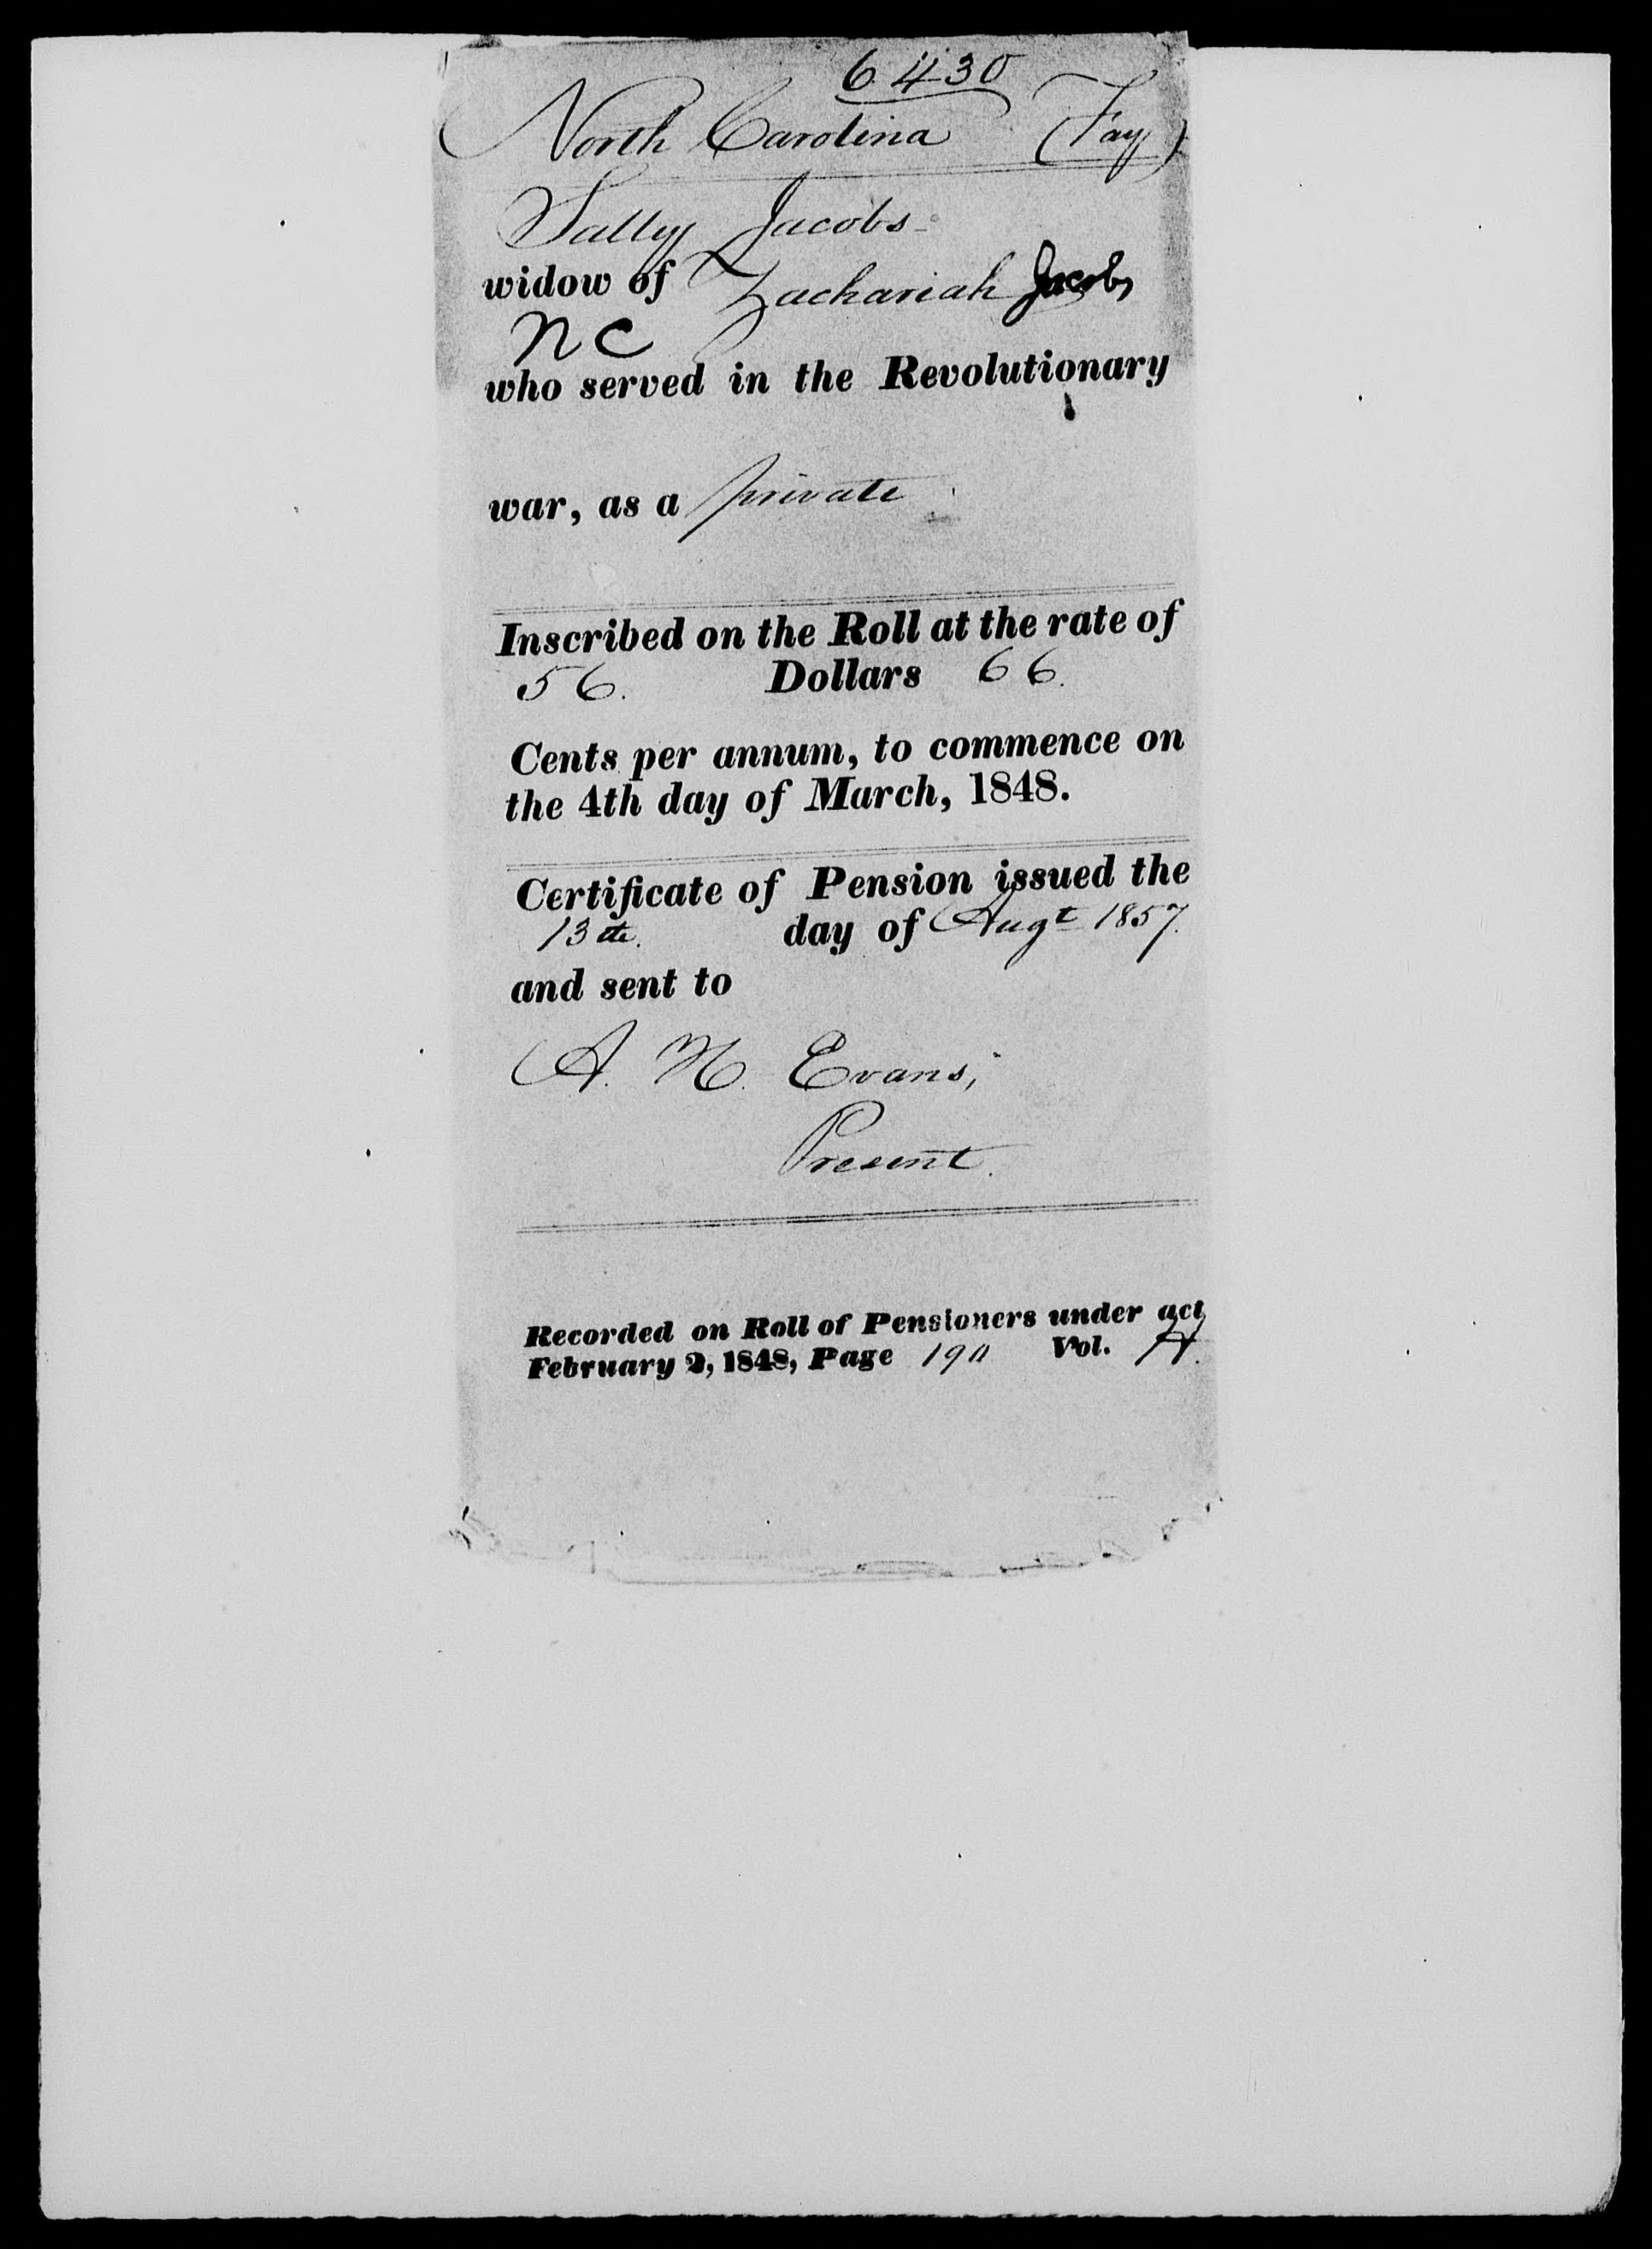6430[underlined]

North Carolina       (Fay)
========================
Sally Jacobs
widow of Zachariah Jacobs
NC
who served in the Revolutionary war, as a private
=========================
Inscribed on the Roll at the rate of 56 Dollars 66 Cents per annum, to commence on the 4th day of March, 1848.
==========================
Certificate of Pension issued the 13th day of Aug't 1857 and sent to 
              A. H. Evans,
                          Present
==========================
Recorded on Roll of Pensioners under act February 2, 1848, Page 190  Vol. H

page: 7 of 40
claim: widow's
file: W. 5304, for Zachariah Jacobs, North Carolina